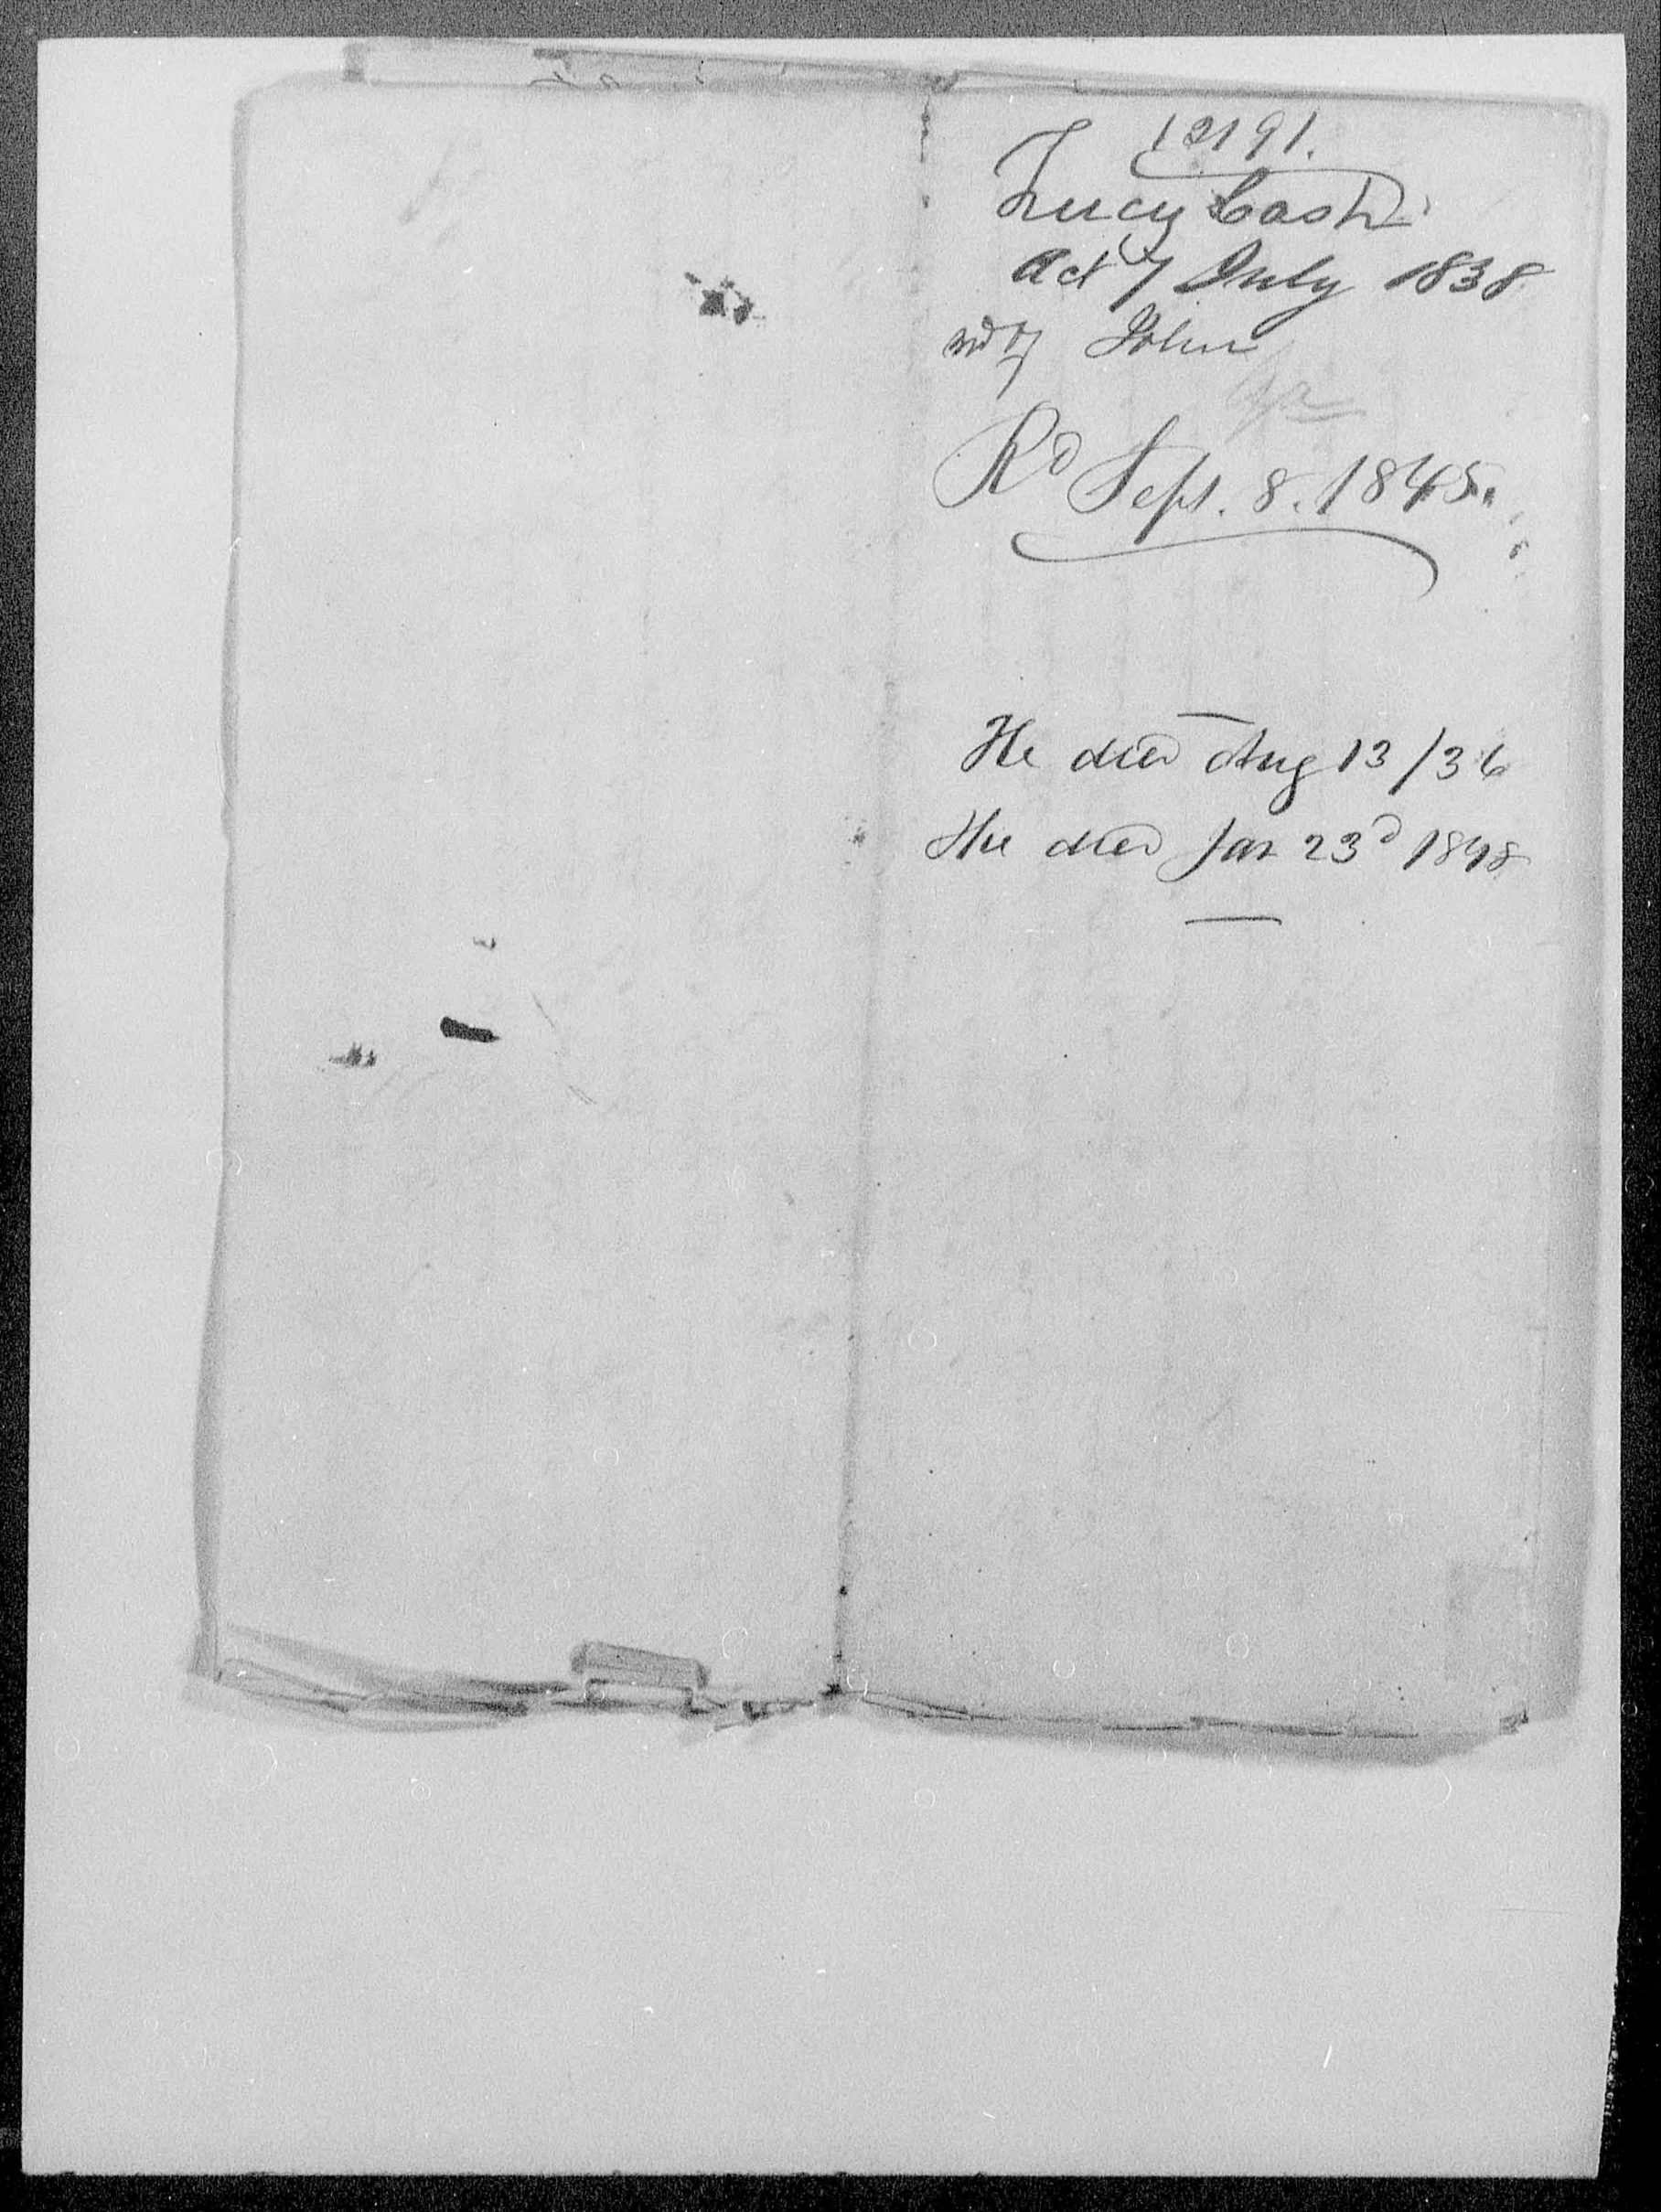12191.
Lucy Cash
Act 7 July 1838
Widow of John
R Sept. 8. 1845
He died Aug 13 /36
She died Jan 23d 1848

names: Lucy Cash, John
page: 10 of 73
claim: widow's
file: W. 5,894, John Cash, Va.